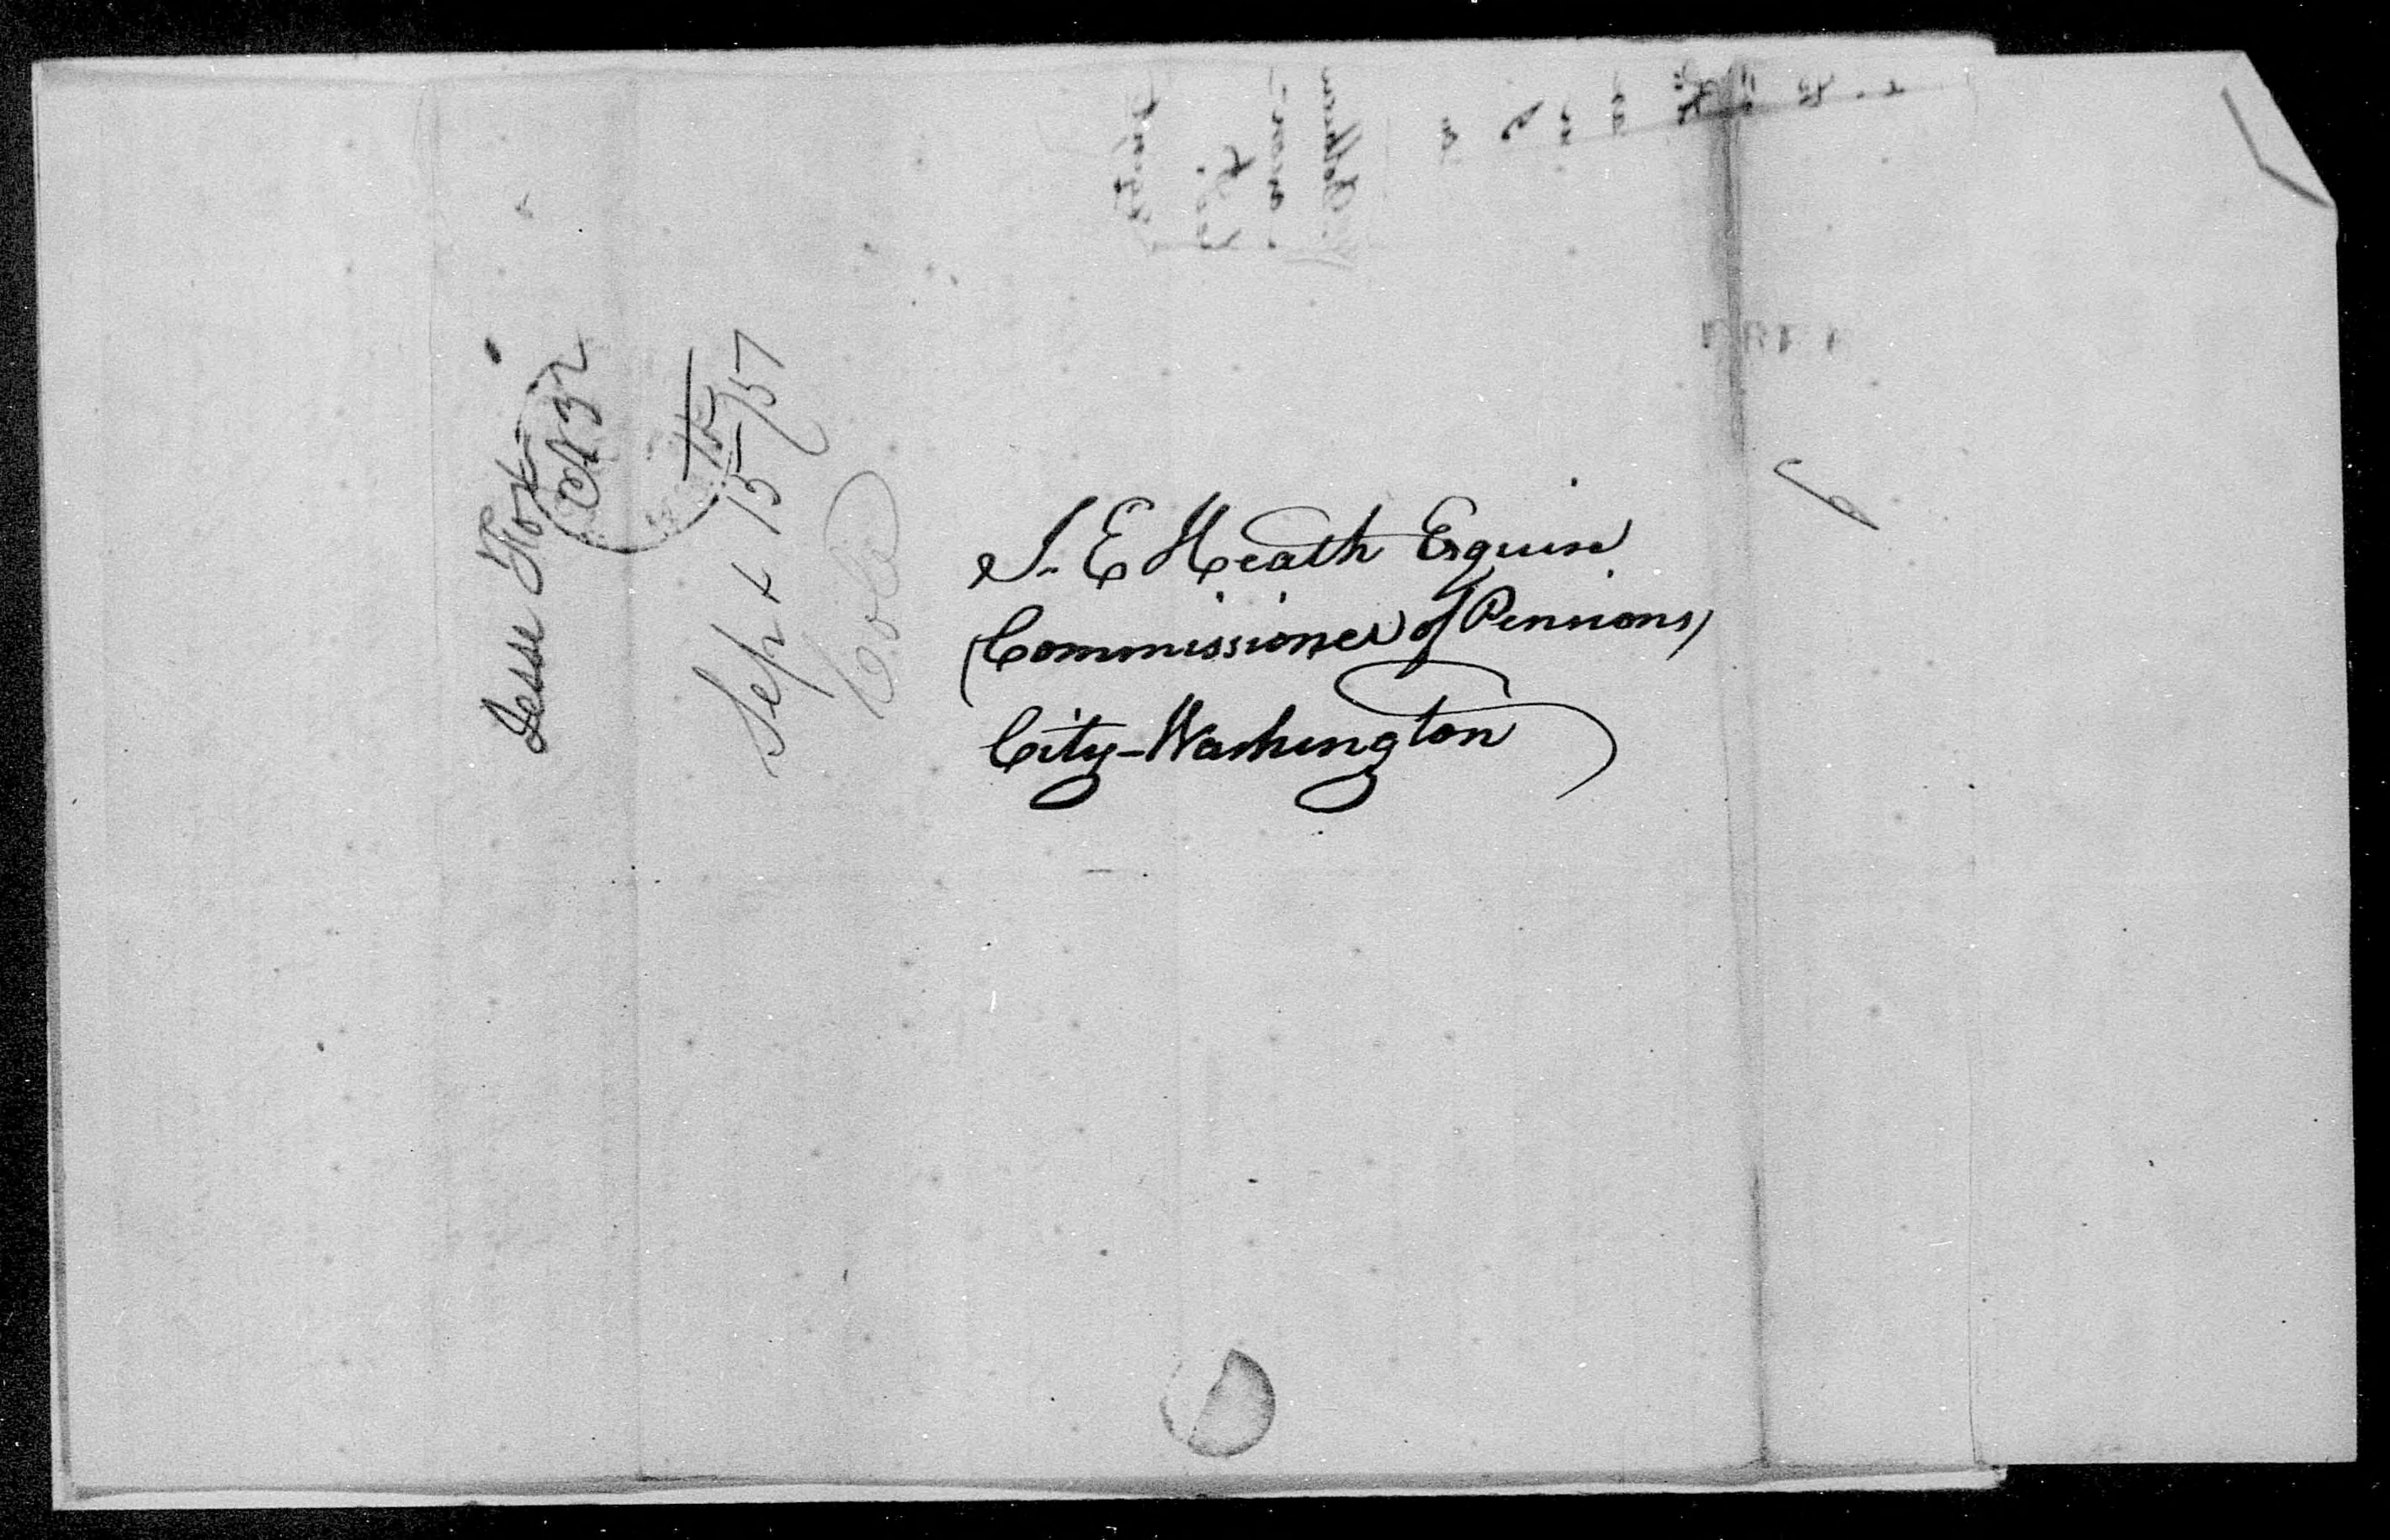Jesse Fox
Sept 15th/57

J. E. Heath Esquire
(Commissioner of Pensions)
City- Washington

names: Jesse Fox, J E Heath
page: 28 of 53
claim: rejected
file: R. 3732, Jesse Fox, Conn.